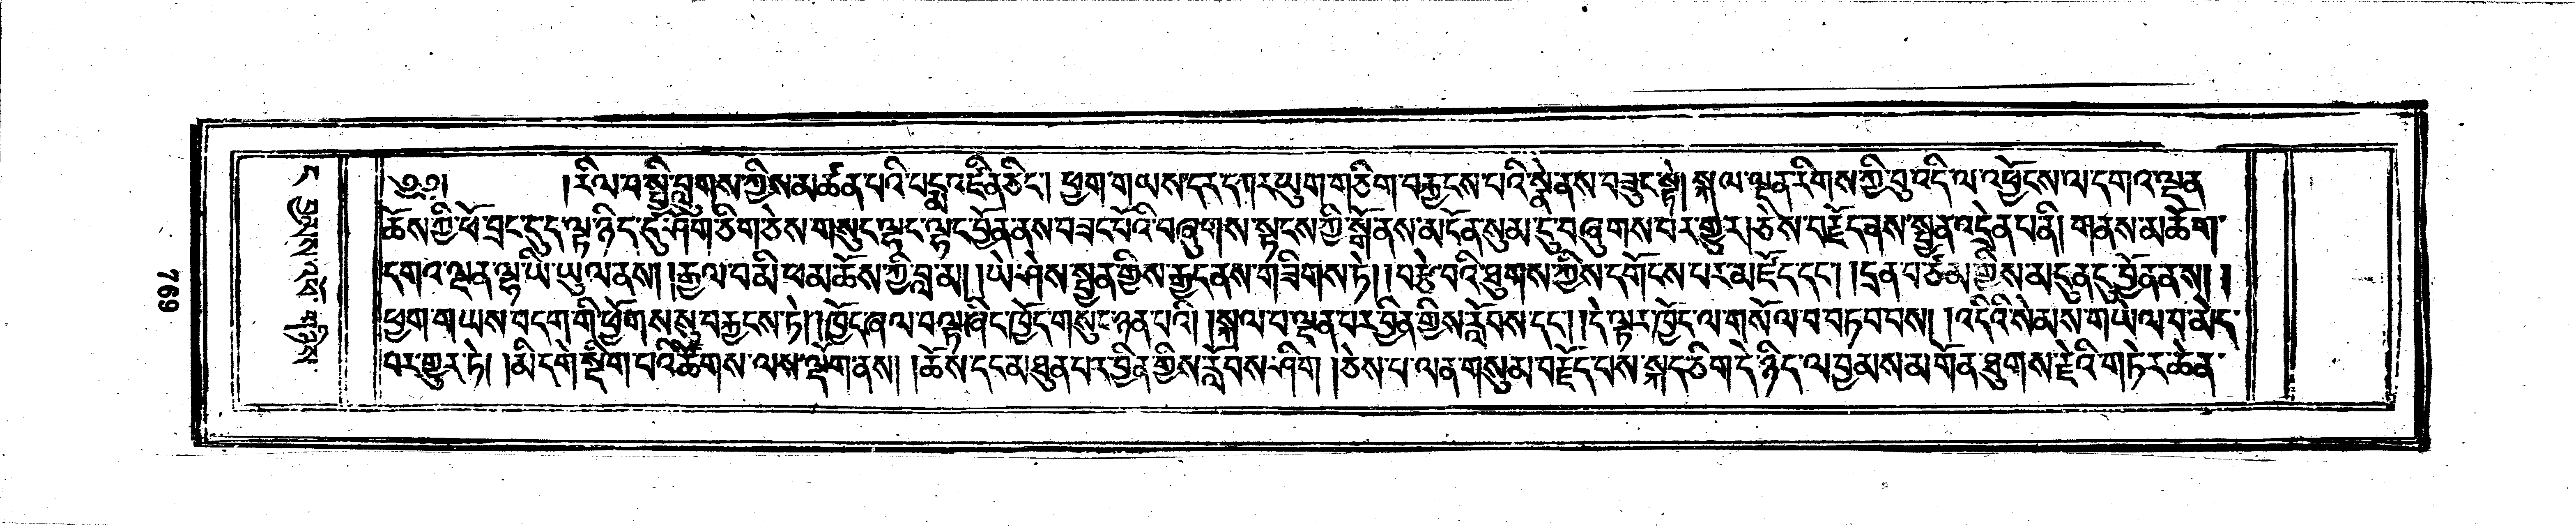༄༅། །རིལ་བ་སྤྱི་བླུགས་ཀྱིས་མཚན་པའི་པདམ་འཛིན་ཅིང་། ཕྱག་གཡས་དར་དཀར་ཡུག་གཅིག་བརྐྱངས་པའི་སྣེ་ནས་བཟུང་སྟེ། སྐལ་ལྡན་རིགས་ཀྱི་བུ་འདི་ལ་འཕྱོངས་ལ་དགའ་ལྡན་
ཆོས་ཀྱི་ཕོ་བྲང་དུ་ད་ལྟ་ཉིད་དུ་ཤོག་ཅིག་ཅེས་གསུངས་ལྷང་ལྷང་བྱོན་ནས་བཟང་པོའི་བཞུགས་སྟངས་ཀྱི་སྒོ་ནས་མངོན་སུམ་དུ་བཞུགས་པར་གྱུར། ཅེས་བརྗོད་ནས་སྤྱན་འདྲེན་པ་ནི། གནས་མཆོག་
དགའ་ལྡན་ལྷ་ཡི་ཡུལ་ནས། །རྒྱལ་བ་མི་ཕམ་ཆོས་ཀྱི་བླ་མ། །ཡེ་ཤེས་སྤྱན་གྱིས་རྒྱང་ནས་གཟིགས་ཏེ། བརྩེ་བའི་ཐུགས་ཀྱིས་དགོངས་པར་མཛོད་དང་། །དྲན་པ་ཙམ་གྱིས་མདུན་དུ་བྱོན་ནས། །
ཕྱག་གཡས་བདག་གི་ཕྱོགས་སུ་བརྐྱངས་ཏེ། །ཁྱོད་ཞལ་བལྟ་ཞིང་ཁྱོད་གསུང་ཉན་པའི། །སྐལ་བ་ལྡན་པར་བྱིན་གྱིས་རློབས་དང་། །དེ་ལྟར་ཁྱོད་ལ་གསོལ་བ་བཏབ་པས། །འདིའི་སེམས་གཡེལ་བ་མེད་
པར་གྱུར་ཏེ། །མི་དགེ་སྡིག་པའི་ཚོགས་ལས་ལྡོག་ནས། །ཆོས་དང་མཐུན་པར་བྱིན་གྱིས་རློབས་ཤིག །ཅེས་པ་ལན་གསུམ་བརྗོད་པས་སྐད་ཅིག་དེ་ཉིད་ལ་བྱམས་མགོན་ཐུགས་རྗེའི་གཏེར་ཆེན་